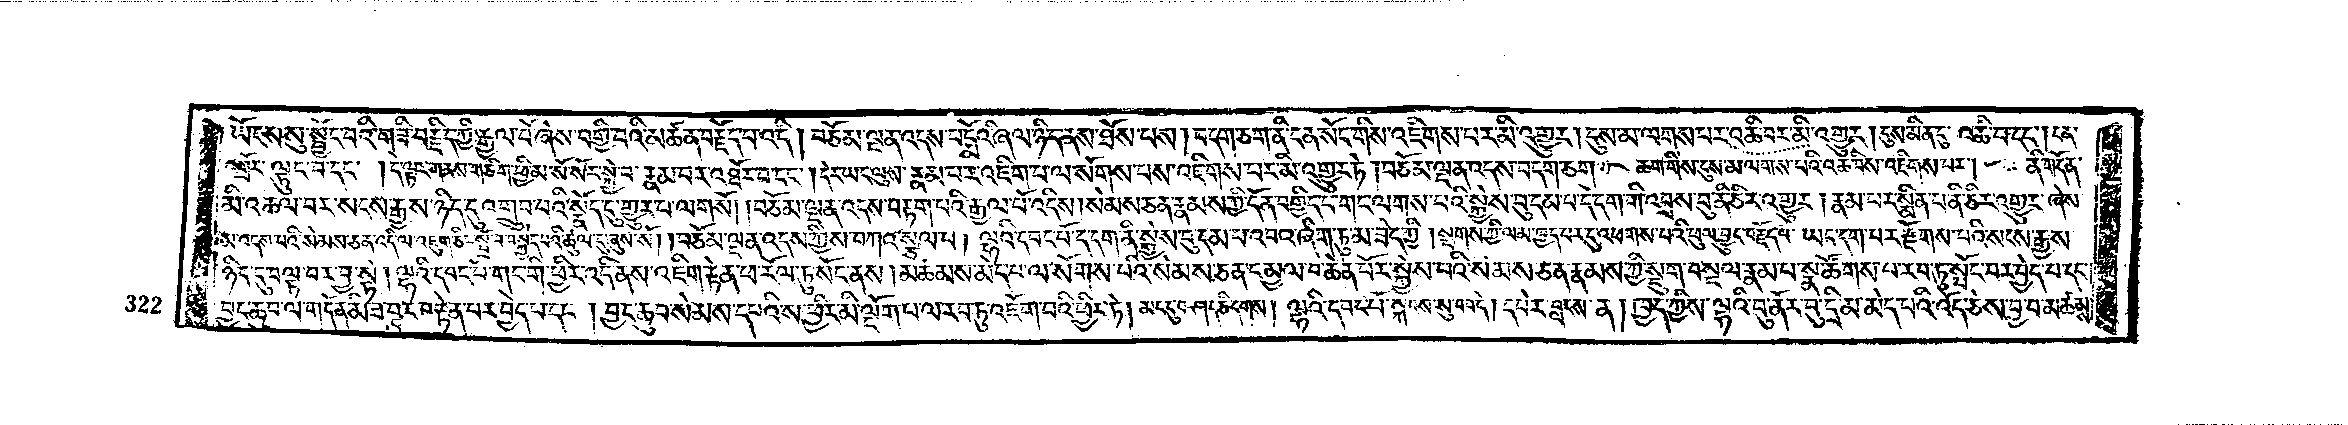ཡོངས་སུ་སྦྱོང་བའི་གཟི་བརྗིད་ཀྱི་རྒྱལ་པོ་ཞེས་བགྱི་བའི་མཚན་བརྗོད་པ་འདི། བཅོམ་ལྡན་འདས་པདམོའི་ཞལ་ཉིད་ནས་ཐོས་པས། བདག་ཅག་ནི་ངན་སོང་གིས་འཇིགས་པར་མི་འགྱུར། དུས་མ་ལགས་པར་འཆི་བར་མི་འགྱུར། དུས་མིན་དུ་འཆི་བ་དང་། ངན་
འགྲོར་ལྟུང་བ་དང་། དེ་ལྟར་གནས་གཅིག་ཕྱི་མ་སོ་སོར་སྐྱེ་བ་རྣམ་པར་འཐོར་བ་དང་། དེར་ཡང་ལུས་རྣམ་པར་འཇིག་པ་ལ་སོགས་པས་འཇིགས་པར་མི་འགྱུར་ཏེ། བཅོམ་ལྡན་འདས་བདག་ཅག་H.་ཆག་གིས་དུས་མ་ལགས་པའི་འཆི་བས་འཇིགས་པར།  .H ནི་གདོན་
མི་འཆལ་བར་སངས་རྒྱས་ཉིད་དུ་འགྲུབ་པའི་སྣོད་དུ་གྱུར་པ་ལགས་སོ། །བཅོམ་ལྡན་འདས་བརྟག་པའི་རྒྱལ་པོ་འདིས། སེམས་ཅན་རྣམས་ཀྱི་དོན་བགྱིད་པ་གང་ལགས་པའི་སྐྱེས་བུ་དམ་པ་དེ་དག་གི་འབྲས་བུ་ནི་ཅིར་འགྱུར། རྣམ་པར་སྨིན་པ་ནི་ཅིར་འགྱུར་ཞེས་
མ་འདས་པའི་སེམས་ཅན་འདི་ལ་འཇུག་ཅིང་སྤྲོ་བ་བསྐྱེད་པའི་ཚུལ་དུ་ཞུས་སོ། །བཅོམ་ལྡན་འདས་ཀྱིས་བཀའ་སྩལ་པ། ལྷའི་དབང་པོ་དེ་དག་ནི་སྐྱེས་བུ་དམ་པ་འབའ་ཞིག་ཏུ་མ་ཟད་ཀྱི། སྔགས་ཀྱི་ལམ་ཁྱད་པར་དུ་འཕགས་པའི་ཕུལ་བྱུང་བརྗོད་པ་ཡང་དག་པར་རྫོགས་པའི་སངས་རྒྱས་
ཉིད་དུ་བལྟ་བར་བྱ་སྟེ། ལྷའི་དབང་པོ་གང་གི་ཕྱིར་འདི་ནས་འཇིག་རྟེན་ཕ་རོལ་ཏུ་སོང་ནས། མཚམས་མེད་པ་ལ་སོགས་པའི་སེམས་ཅན་དམྱལ་བ་ཆེན་པོར་སྐྱེས་པའི་སེམས་ཅན་རྣམས་ཀྱི་སྡུག་བསྔལ་རྣམ་པ་སྣ་ཚོགས་པ་རབ་ཏུ་སྤོང་བར་བྱེད་པ་དང་།
བྱང་ཆུབ་ལ་གདོན་མི་ཟ་བར་བརྟེན་པར་བྱེད་པ་དང་། བྱང་ཆུབ་སེམས་དཔའི་ས་ཕྱིར་མི་ལྡོག་པ་ལ་རབ་ཏུ་འཇོག་པའི་ཕྱིར་ཏེ། མང་དུ་བཤད་ཅི་དགོས།  ?་ལྷའི་དབང་པོ་སྐབས་སུ་བབ་དེ། དཔེར་བླངས་ན། ཁྱད་ཀྱིས་ལྷའི་བུ་ནོར་བུ་དྲི་མ་མེད་པའི་འོད་ཅེས་བྱ་བ་མཚམས་